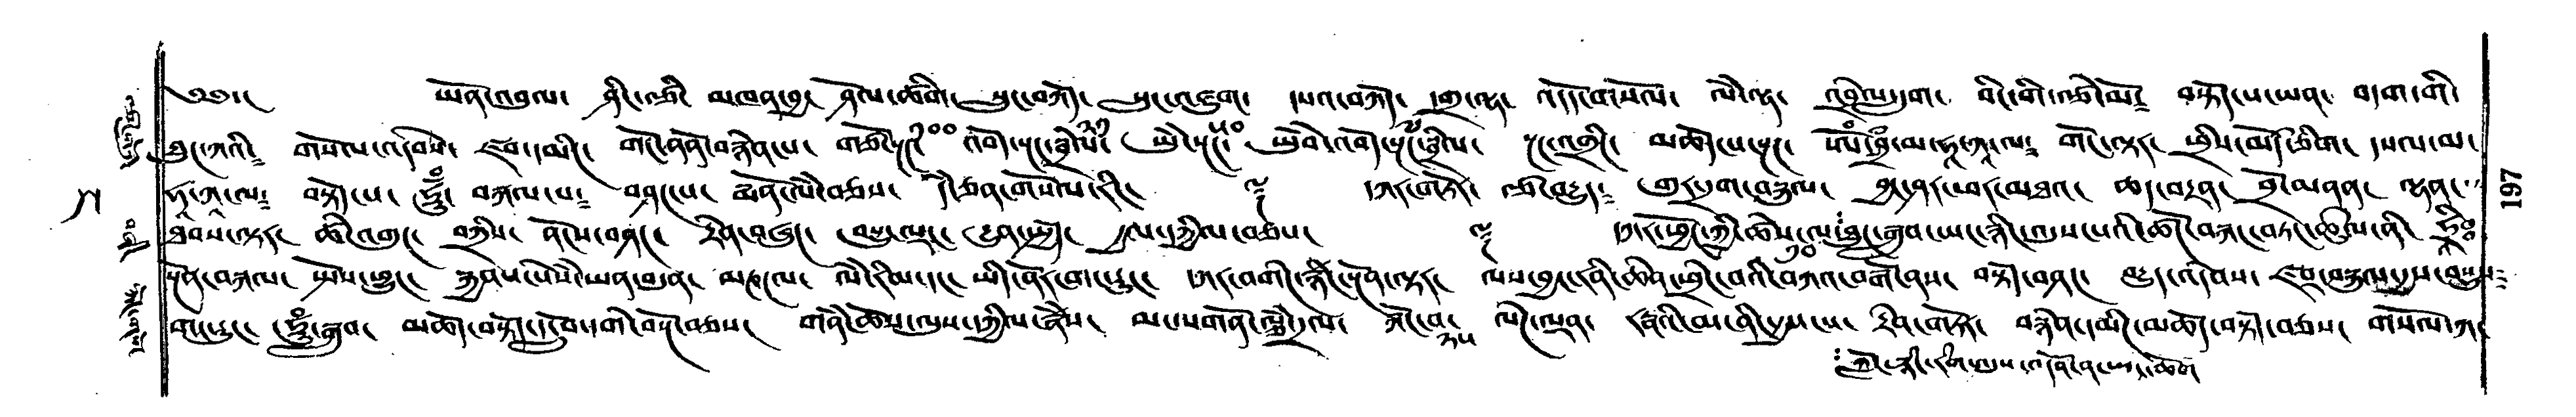ཡོན་འབུལ། ཤིང་རྩི། མཁན་བྱ། ཤོལ་ཚིག སྲུང་བཀོད། སྲུང་འཛུག དཔའ་བཀོད། དགྲ་ལྷ། འདོད་གསོལ། འབྲེལ་དྲུག བིང་གི་རྩེ་མོ༴ བསྟོད་པ་ཡན། བདག་གི་
ཐུགས་ཀའི༴ གསོལ་འདེབས། ཛབ་དམིགས། གོང་ནོན་བསྙེན་པ། གཙོ་སྔགས་བརྒྱ། འབོད་སྔགས་སྦྲེལ་བ་ཉེར་གཅིག ཡུམ་སྔགས་ལྔ་བཅུ། ཡབ་ཡུམ་འབོད་སྔགས་སྦྲེལ་བདུན། སྔགས་འགྲིགས། མཆོད་པའི་སྔགས། ཨོཾ་ཤྲཱི་མ་ཧཱ་ཀཱ་ལ༴ གོང་ལྟར། ཕྲིན་ལས་མཛོད་ཅིག༔ དཔལ་མ་
ཧཱ་ཀཱ་ལ༴ བསྟོད་པ། ཧཱུྃ༔ བསྐལ་པ༴ བཤགས་པ། སྨོན་ལམ་བཅས། དམ་ཅན་གསོལ་རིང་། དཀར་གཏོར།རྩ་བརྒྱུད༴ གུར་དྲག་བསྐུལ། བྱང་ཤར་ཕ་མཐའ། ཆད་བརྟན། བྲོ་མནན། ལྷན་
ཐབས་ལྟར། ཚེ་འགུགས། བཀྲ་ཤིས། ནོངས་བཤགས། རྟེན་བཞུགས། བསྡུ་ལྡང་། རྒྱུན་སྤྱོད། རྒྱལ་དཀྱིལ་བཅས། ༈ དཀར་ཕྱོགས་ཀྱི་ཚེས་བཅུ་ལ་ཐུགས་སྒྲུབ་ཡང་སྙིང་འདུས་པའི་ཚོགས་སྐོང་གཏོང་ཚུལ་ནི། ཧྲཱིཿ 
སྔོན་བསྐལ༴ སྤོས་ཕྱུང་། སྐྱབས་སེམས་ཡན་བདུན། མཎྜལ། ལམ་རིམ་དང་ཡིད་ནོར་གང་རུང་། དཀར་བགེགས་རྙིང་སྔོན་ལྟར། ལས་བྱང་རིན་ཆེན་ཕྲེང་བའི་བཀའ་བསྒོ་ནས། བསྟོད་བཤགས། བརྒྱུད་འདེབས། ཛབ་བསྐུལ་རྒྱས་བསྡུས་
གང་རུང་། ཧཱུྃ་སྒྲུབ། མཆོད་བསྟོད་དངོས་གྲུབ་དགེ་བསྔོ་བཅས། གནམ་ཆོས་ལུས་དཀྱིལ་རྣམས། མ་མགོན་ལྕམ་དྲལ། སྐོང་བ་ཉེར་ལྔ། ལེགས་ལྡན། རཏྣའི་མ་ནིང་རྒྱས་པ། རྟེན་གཏོར། བསྙེན་དམིགས་མཆོད་བསྟོད་བཅས། གསོལ་ཀ་